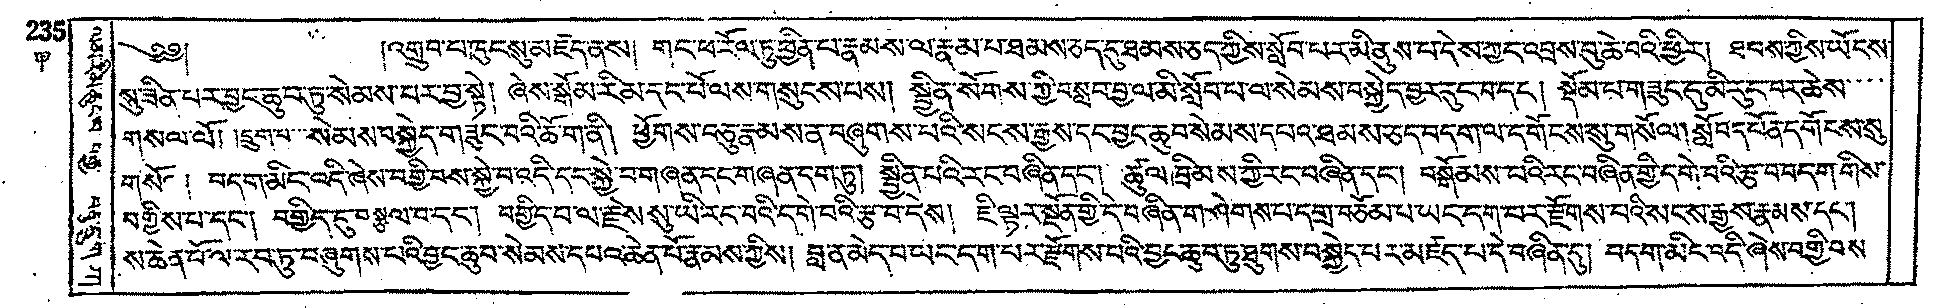༄༅། །འགྲུབ་པ་ཁུང་སུ་མཛད་ནས། གང་ཕ་རོལ་ཏུ་ཕྱིན་པ་རྣམས་ལ་རྣམ་པ་ཐམས་ཅད་དུ་ཐམས་ཅད་ཀྱིས་སློབ་པར་མི་ནུས་པ་དེས་ཀྱང་འབྲས་བུ་ཆེ་བའི་ཕྱིར། ཐབས་ཀྱིས་ཡོངས་
སུ་ཟིན་པར་བྱང་ཆུབ་ཏུ་སེམས་པར་བྱ་སྟེ། ཞེས་སྒོམ་རིམ་དང་པོ་ལས་གསུངས་པས། སྦྱིན་སོགས་ཀྱི་བསླབ་བྱ་ལ་མི་སློབ་པ་ལ་སེམས་བསྐྱེད་བྱར་རུང་བ་དང་། སྡོམ་པ་གཟུང་དུ་མི་རུང་བར་ཆེས་
གསལ་ལོ། །དྲུག་པ་སེམས་བསྐྱེད་གཟུང་བའི་ཆོ་ག་ནི། ཕྱོགས་བཅུ་རྣམས་ན་བཞུགས་པའི་སངས་རྒྱས་དང་བྱང་ཆུབ་སེམས་དཔའ་ཐམས་ཅད་བདག་ལ་དགོངས་སུ་གསོལ། སློབ་དཔོན་དགོངས་སུ་
གསོལ། བདག་མིང་འདི་ཞེས་བགྱི་བས་སྐྱེ་བ་འདི་དང་སྐྱེ་བ་གཞན་དང་གཞན་དག་ཏུ། སྦྱིན་པའི་རང་བཞིན་དང་། ཚུལ་ཁྲིམས་ཀྱི་རང་བཞིན་དང་། བསྒོམས་པའི་རང་བཞིན་གྱི་དགེ་བའི་རྩ་བ་བདག་གིས་
བགྱིས་པ་དང་། བགྱིད་དུ་བསྩལ་བ་དང་། བགྱིད་པ་ལ་རྗེས་སུ་ཡི་རང་བའི་དགེ་བའི་རྩ་བ་དེས། ཇི་ལྟར་སྔོན་གྱི་དེ་བཞིན་གཤེགས་པ་དགྲ་བཅོམ་པ་ཡང་དག་པར་རྫོགས་པའི་སངས་རྒྱས་རྣམས་དང་།
ས་ཆེན་པོ་ལ་རབ་ཏུ་བཞུགས་པའི་བྱང་ཆུབ་སེམས་དཔའ་ཆེན་པོ་རྣམས་ཀྱིས། བླ་ན་མེད་པ་ཡང་དག་པར་རྫོགས་པའི་བྱང་ཆུབ་ཏུ་ཐུགས་བསྐྱེད་པར་མཛད་པ་དེ་བཞིན་དུ། བདག་མིང་འདི་ཞེས་བགྱི་བས་